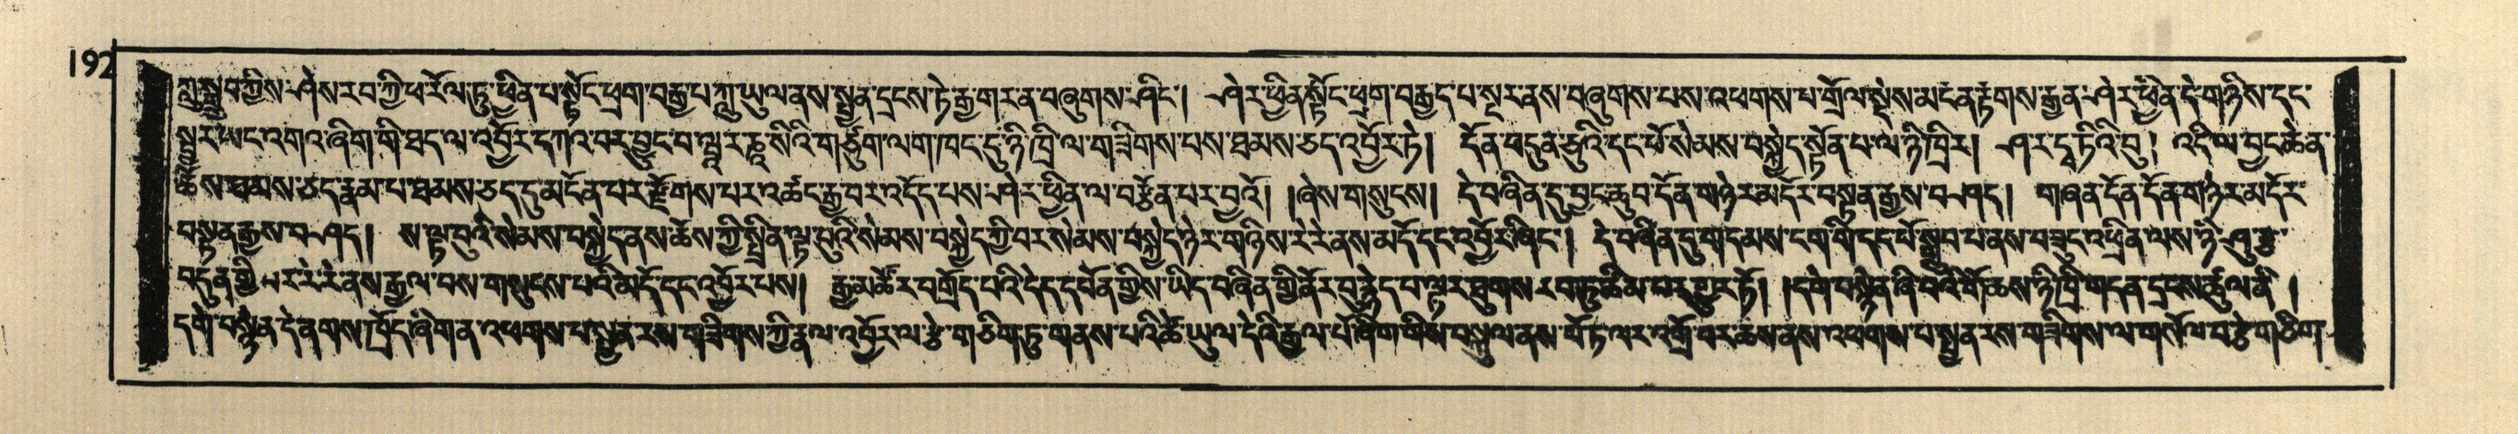ཀླུ་སྒྲུབ་ཀྱིས་ཤེས་རབ་ཀྱི་ཕ་རོལ་ཏུ་ཕྱིན་པ་སྟོང་ཕྲག་བརྒྱ་པ་ཀླུ་ཡུལ་ནས་སྤྱན་དྲངས་ཏེ་རྒྱ་གར་ན་བཞུགས་ཤིང་། ཤེར་ཕྱིན་སྟོང་ཕྲག་བརྒྱད་པ་སྔར་ནས་བཞུགས་པས་འཕགས་པ་གྲོལ་སྡེས་མངན་རྟོགས་རྒྱན་ཤེར་ཕྱིན་དེ་གཉིས་དང་
སྦྱར་ཡང་འགའ་ཞིག་གི་ཐད་ལ་འབྱོར་དཀའ་བར་བྱུང་བ་ཝཱ་ར་ཎཱ་སིའི་གཙུག་ལག་ཁང་དུ་ཉི་ཁྲི་ལ་གཟིགས་པས་ཐམས་ཅད་འབྱོར་ཏེ། དོན་བདུན་ཅུའི་དང་པོ་སེམས་བསྐྱེད་སྟོན་པ་ལ་ཉི་ཁྲིར། ཤར་དྭ་ཏིའི་བུ། འདི་ལ་བྱང་ཆེན་
ཆོས་ཐམས་ཅད་རྣམ་པ་ཐམས་ཅད་དུ་མངོན་པར་རྫོགས་པར་འཚང་རྒྱ་བར་འདོད་པས་ཤེར་ཕྱིན་ལ་བརྩོན་པར་བྱའོ། །ཞེས་གསུངས། དེ་བཞིན་དུ་བྱང་ཆུབ་དོན་གཉེར་མདོར་བསྟན་རྒྱས་བཤད། གཞན་དོན་དོན་གཉེར་མདོར་
བསྟན་རྒྱས་བཤད། ས་ལྟ་བུའི་སེམས་བསྐྱེད་ནས་ཆོས་ཀྱི་སྤྲིན་ལྟ་བུའི་སེམས་བསྐྱེད་ཀྱི་བར་སེམས་བསྐྱེད་ཉེར་གཉིས་རེ་རེ་ནས་མདོ་དང་འབྱོར་ཞིང་། དེ་བཞིན་དུ་གདམས་ངག་གི་དང་པོ་སྒྲུབ་པ་ནས་བཟུང་འཕྲིན་ལས་ཉི་ཤུ་རྩ་
བདུན་གྱི་བར་རེ་རེ་ནས་རྒྱལ་བས་གསུངས་པའི་མདོ་དང་འབྱོར་པས། རྒྱ་མཚོར་བགྲོད་པའི་དེད་དཔོན་གྱིས་ཡིད་བཞིན་གྱི་ནོར་བུ་རྙེད་པ་ལྟར་ཐུགས་རབ་ཏུ་ཚིམ་བར་གྱུར་ཏོ། །དགེ་བསྙེན་ཞི་བའི་གོ་ཆས་ཉི་ཁྲི་གདན་དྲངས་ཚུལ་ནི།
དགེ་བསྙེན་དེ་ནགས་ཁྲོད་ཞིག་ན་འཕགས་པ་སྤྱན་རས་གཟིགས་ཀྱི་རྣལ་འབྱོར་ལ་རྩེ་གཅིག་ཏུ་གནས་པའི་ཚེ་ཡུལ་དེའི་རྒྱལ་པོ་ཞིག་གིས་བསྐུལ་ནས་བོ་ཏ་ལར་འགྲོ་བར་ཆས་ནས་འཕགས་པ་སྤྱན་རས་གཟིགས་ལ་གསོལ་བ་རྩེ་གཅིག་